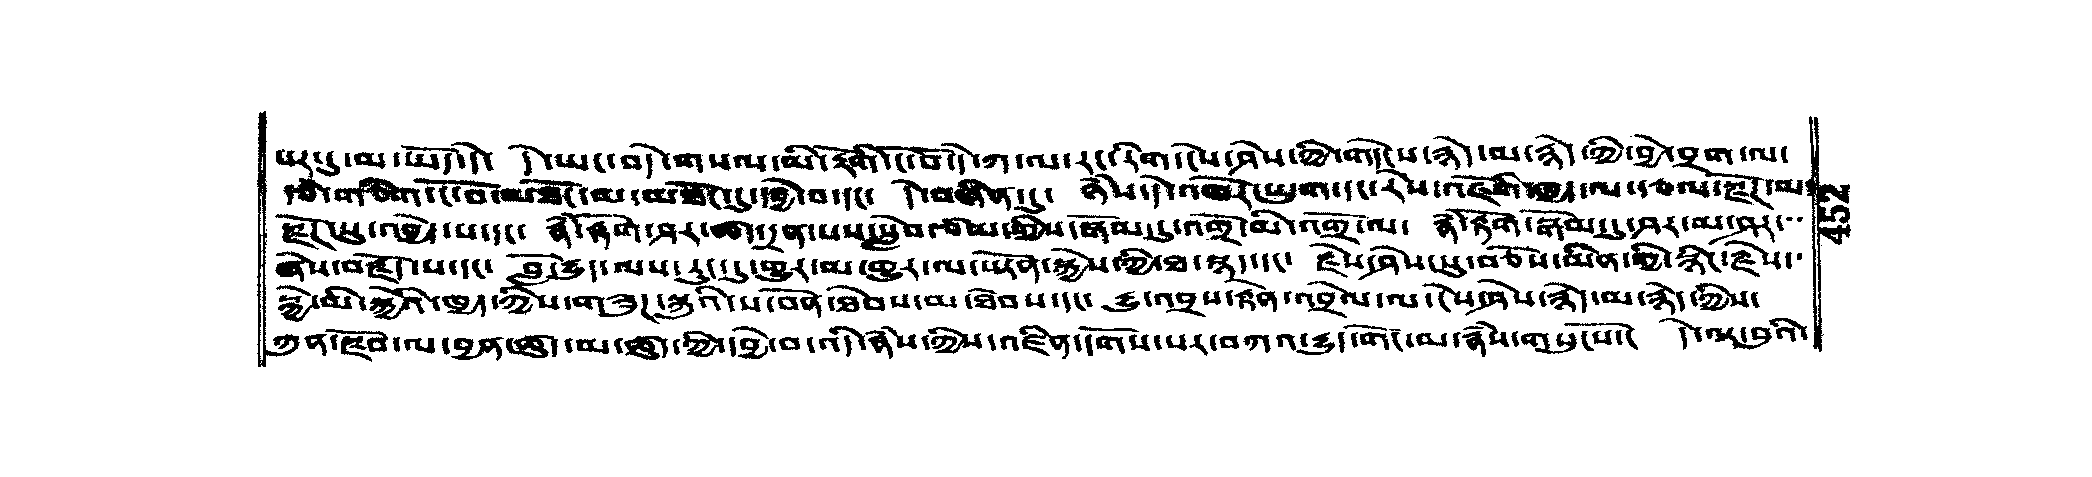པར་དུ་མ་ཡོད་དེ། དེ་ཡང་བདེ་གསལ་མི་རྟོག་གི་ངོ་བོ་དེ་ཀ་ལ་རང་རིག་ངེས་ཤེས་ཀྱི་གདེངས་རྙེད་མ་རྙེད་ཀྱི་བྱེ་བྲག་ལ་
རྩེ་གཅིག་ངོ་བོ་མཐོང་མ་མཐོང་དུ་དབྱེ་བ་དང་། དེ་བཞིན་དུ། ཉམས་དེ་འཁོར་ཡུག་དང་རེས་འཇོག་གི་ཁྱད་ལ་རྩལ་རྫོགས་མ་
རྫོགས་སུ་འབྱེད་པ་དང་། རྣམ་རྟོག་ཤར་ཚད་དྲན་པས་སླེབ་ཙམ་གྱིས་སྒོམ་དུ་འགྲོ་མི་འགྲོ་ལ། རྣམ་རྟོག་སྒོམ་དུ་ཤར་མ་ཤར་
ཞེས་བརྗོད་པ་དང་། བློ་རྒྱུད་ལས་རུང་དུ་གྱུར་མ་གྱུར་ལ་ཡོན་ཏན་སྐྱེས་མ་སྐྱེས་ཀྱི་ཐ་སྙད་དང་། རྗེས་ཤེས་སུ་བཅོས་མིན་གྱི་སྙིང་རྗེ་
སྐྱེ་མི་སྐྱེའི་ཁྱད་ཀྱིས་གཟུགས་སྐུའི་ས་བོན་ཐེབས་མ་ཐེབས་དང་། རྒྱུ་འབྲས་རྟེན་འབྲེལ་ལ་ངེས་ཤེས་རྙེད་མ་རྙེད་ཀྱིས་
ཀུན་རྫོབ་ལ་བྱན་ཚུད་མ་ཚུད་ཀྱི་དབྱེ་བ་འདི་རྣམས་ཀྱིས་འཛིན་དགོས་པར་བཀའ་རྒྱུད་གོང་མ་རྣམས་གསུངས་སོ། དེ་ལྟ་བུའི་